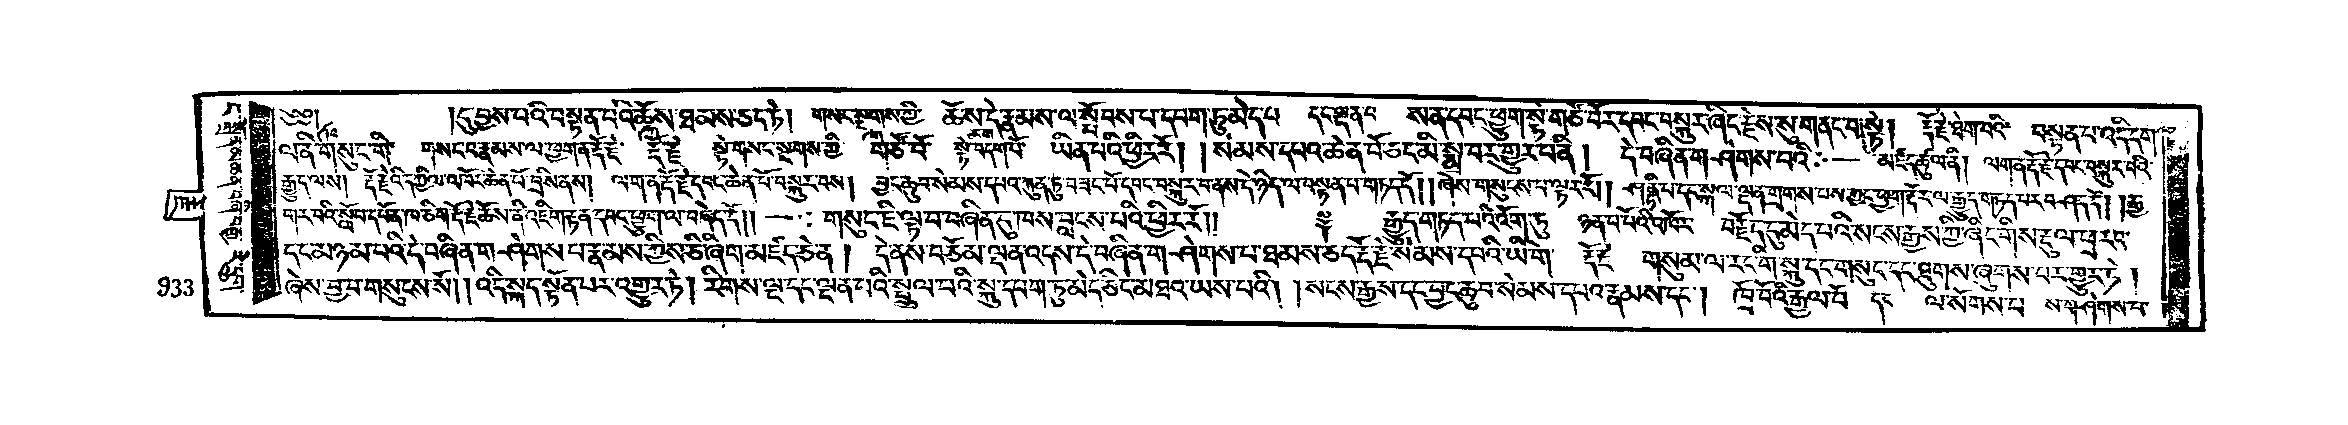༄༅། །དུ་བྱས་པའི་བསྟན་པའི་ཆོས་ཐམས་ཅད་ཏེ། གསང་སྔགས་ཀྱི་ཆོས་དེ་རྣམས་ལ་སྤོབས་པ་དཔག་ཏུ་མེད་པ་དང་ལྡན་པས་ན་དབང་ཕྱུག་སྟེ་གཙོ་བོར་དབང་བསྐུར་ཞིང་རྗེས་སུ་གནང་བ་སྟེ། རྡོ་རྗེ་ཐེག་པའི་བསྟན་པ་འདི་དག་
ལ་ནི་?ཁ་གསུང་གི་གསང་བ་རྣམས་ལ་ཕྱག་ན་རྡོ་རྗེ་?ཀ་རྡོ་རྗེ་སྟེ་གསང་སྔགས་ཀྱི་?ག་གཙོ་བོ་ཆག་སྟེ་བདག་པོ་ཡིན་པའི་ཕྱིར་རོ། །སེམས་དཔའ་ཆེན་པོ་ཅང་མི་སྨྲ་བར་གྱུར་བ་ནི། དེ་བཞིན་གཤེགས་པའི་H.་མཛད་ཚུལ་ནི། ལག་ན་རྡོ་རྗེ་དབང་བསྐུར་བའི་
རྒྱུད་ལས། རྡོ་རྗེའི་དཀྱིལ་འཁོར་ཆེན་པོ་བྲིས་ནས། ལག་ན་རྡོ་རྗེ་དབང་ཆེན་པོ་བསྐུར་བས། བྱང་ཆུབ་སེམས་དཔའ་ཀུན་ཏུ་བཟང་པོ་དབང་བསྐུར་བ་ནས་དེ་ཉིད་ལ་བསྟན་པ་གཏད་དོ། །ཞེས་གསུངས་པ་ལྟར་རོ། །ཤནྟི་པ་དང་སྐལ་ལྡན་གྲགས་པས་ཀྱང་ཕྱག་རྡོར་ལ་རྒྱུད་གཏད་པར་བཤད་དོ། །རྒྱ་
གར་བའི་སློབ་དཔོན་ཁ་ཅིག་རྡོ་རྗེ་ཆོས་ནི་འཇིག་རྟེན་དབང་ཕྱུག་ལ་བཞེད་དོ།། .H གསུང་ཇི་ལྟ་བ་བཞིན་དུ་ཁས་བླངས་པའི་ཕྱིར་རོ།། ༈ རྒྱུད་གཏད་པའི་འོག་ཏུ་ཉན་པ་པོའི་འཁོར་བརྗོད་དུ་མེད་པའི་སངས་རྒྱས་ཀྱི་ཞིང་གིས་རྡུལ་ཕྲ་རབ་
དང་མཉམ་པའི་དེ་བཞིན་གཤེགས་པ་རྣམས་ཀྱིས་ཅི་ཞིག་མཛད་ཅེ་ན། དེ་ནས་བཅོམ་ལྡན་འདས་དེ་བཞིན་གཤེགས་པ་ཐམས་ཅད་རྡོ་རྗེ་སེམས་དཔའི་ཡི་གེ་རྡོ་རྗེ་གསུམ་ལ་རང་གི་སྐུ་དང་གསུང་དང་ཐུགས་ཞུགས་པར་གྱུར་ཏེ།
ཞེས་བྱ་བ་གསུངས་སོ། །འདི་སྐད་སྟོན་པར་འགྱུར་ཏེ། རིགས་ལྔ་དང་ལྡན་པའི་སྤྲུལ་པའི་སྐུ་དཔག་ཏུ་མེད་ཅིང་མཐའ་ཡས་པའི། །སངས་རྒྱས་དང་བྱང་ཆུབ་སེམས་དཔའ་རྣམས་དང་། ཁྲོ་བོའི་རྒྱལ་པོ་དང་ལ་སོགས་པས་གཤེགས་པ་